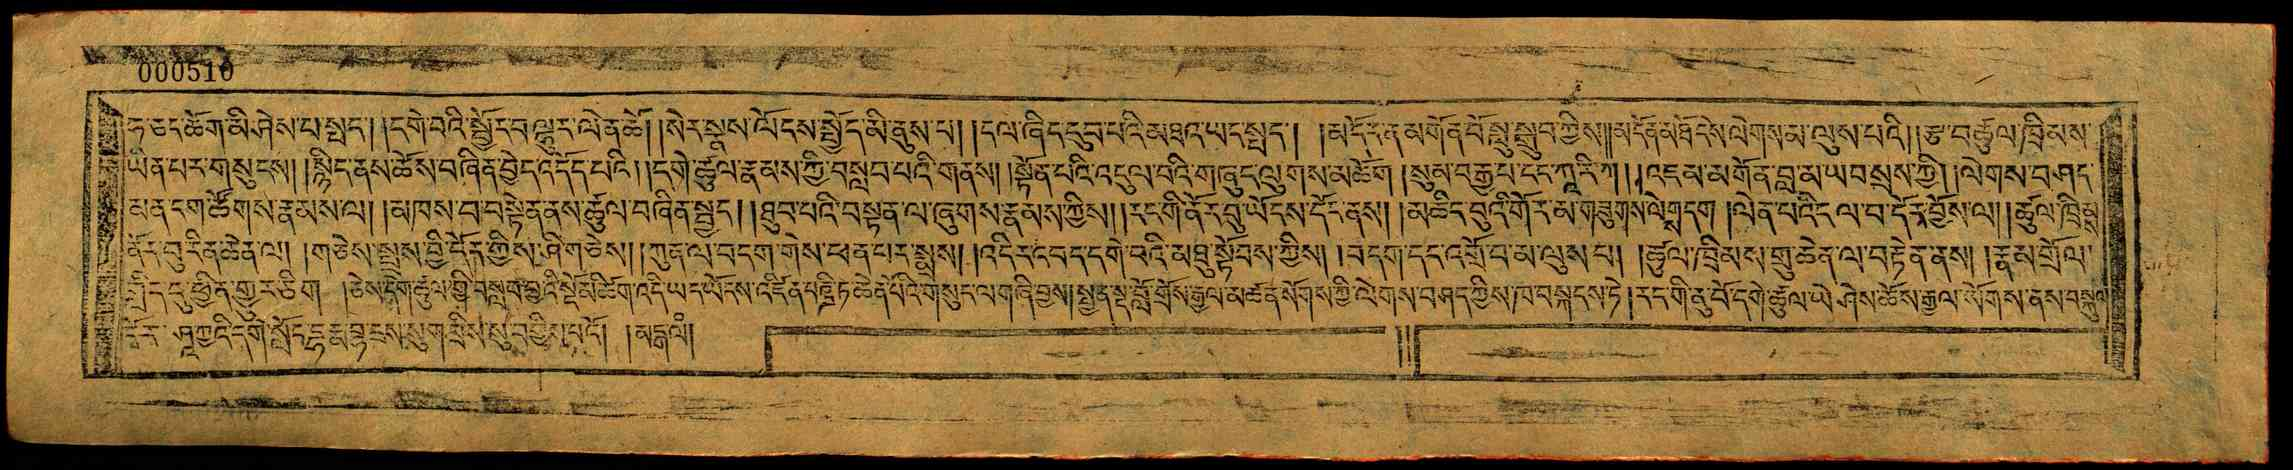ཧ་ཅང་ཆོག་མི་ཤེས་པ་སྤང་། །དགེ་བའི་སྦྱོར་བ་ལྷུར་ལེན་ཚེ། །སེར་སྣས་ལོངས་སྤྱོད་མི་ནུས་པ། །ངལ་ཞིང་དུབ་པའི་མཐའ་ཡང་སྤང་། །མདོར་ན་མགོན་པོ་ཀླུ་སྒྲུབ་ཀྱིས། །མངོན་མཐོ་ངེས་ལེགས་མ་ལུས་པའི། །རྩ་བ་ཚུལ་ཁྲིམས་
ཡིན་པར་གསུངས། །སྙིང་ནས་ཆོས་བཞིན་བྱེད་འདོད་པའི། དགེ་ཚུལ་རྣམས་ཀྱི་བསླབ་པའི་གནས། །སྟོན་པའི་འདུལ་བའི་གཞུང་ལུགས་མཆོག །སུམ་བརྒྱ་པ་དང་ཀཱ་རི་ཀ། །འཇམ་མགོན་བླ་མ་ཡབ་སྲས་ཀྱི། །ལེགས་བཤད་
མན་ངག་ཚོགས་རྣམས་ལ། །མཁས་པ་བསྟེན་ནས་ཚུལ་བཞིན་སྦྱང་། །ཐུབ་པའི་བསྟན་ལ་ཞུགས་རྣམས་ཀྱིས། །རང་གི་ནོར་བུ་ཡོངས་དོར་ནས། །མཆེད་བུའི་གོར་མ་གཟུགས་ལེགས་དག །ལེན་པའི་ངལ་བ་དོར་བྱོས་ལ། །ཚུལ་ཁྲིམས་
ནོར་བུ་རིན་ཆེན་ལ། །གཅེས་སྤྲས་བྱི་དོར་གྱིས་ཤིག་ཅེས། །ཀུན་ལ་བདག་གིས་ཕན་པར་སྦྱང་། །འདིར་འབད་དགེ་བའི་མཐུ་སྟོབས་ཀྱིས། །བདག་དང་འགྲོ་བ་མ་ལུས་པ། །ཚུལ་ཁྲིམས་གྲུ་ཆེན་ལ་བརྟེན་ནས། །རྣམ་གྲོལ་
གླིང་དུ་ཕྱིན་གྱུར་ཅིག །ཅེས་དགེ་ཚུལ་གྱི་བསླབ་བྱའི་སྡོམ་ཚིག་འདི་ཡང་ཡོངས་འཛིན་པཎྚི་ཏ་ཆེན་པོའི་གསུང་ལ་གཞི་བྱས། སྤྱན་སྔ་བློ་གྲོས་རྒྱལ་མཚན་སོགས་ཀྱི་ལེགས་བཤད་ཀྱིས་ཁ་བསྐང་ཏེ། རང་གི་ནུ་བོ་དགེ་ཚུལ་ཡེ་ཤེས་ཆོས་རྒྱལ་སོགས་ནས་བསྐུལ་
དོར་ཤཱཀྱའི་དགེ་སློང་དྷརྨ་བྷ་དྲས་སུ་བྲིས་སུ་བགྱིས་པའོ། །མངྒ་ལཾ། ། །།